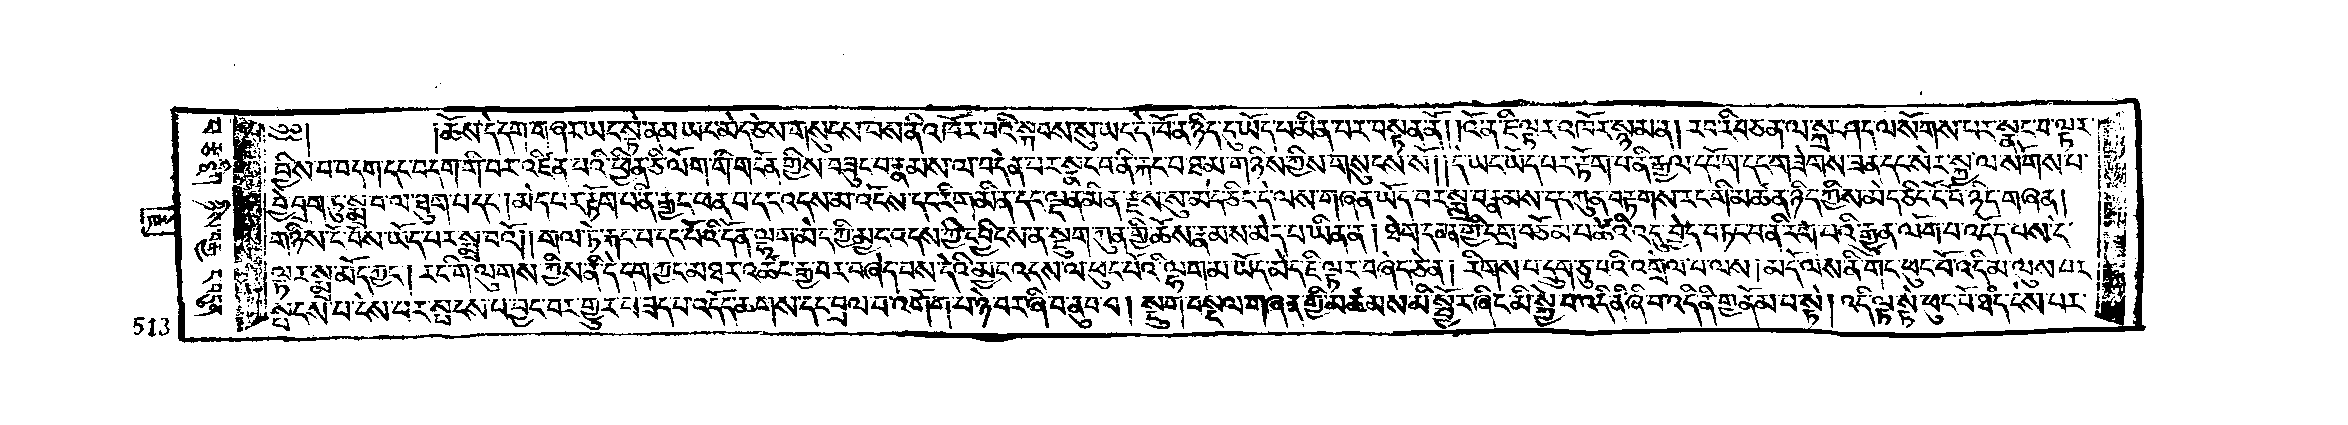༄༅། །ཆོས་དེ་དག་གཞར་ཡང་སྟེ་ནམ་ཡང་མེད་ཅེས་གསུངས་པས་ནི་འཁོར་བའི་སྐབས་སུ་ཡང་དེ་ཁོ་ན་ཉིད་དུ་ཡོད་པ་མིན་པར་བསྟན་ནོ། །འོ་ན་ཇི་ལྟར་འཁོར་སྙམ་ན། རབ་རིབ་ཅན་ལ་སྐྲ་ཤད་ལ་སོགས་པར་སྣང་བ་ལྟར་
བྱིས་པ་བདག་དང་བདག་གི་བར་འཛིན་པའི་ཕྱིན་ཅི་ལོག་གི་གདོན་གྱིས་བཟུང་བ་རྣམས་ལ་བདེན་པར་སྣང་བ་ནི་རྐང་པ་ཐ་མ་གཉིས་ཀྱིས་གསུངས་སོ། །དེ་ཡང་ཡོད་པར་རྟོག་པ་ནི་རྒྱལ་དཔོག་དང་གཟེགས་ཟན་དང་སེར་སྐྱ་ལ་སོགས་པ་
བྱེ་བྲག་ཏུ་སྨྲ་བ་ལ་ཐུག་པ་དང་། མེད་པར་རྟོག་པ་ནི་རྒྱད་ཕན་པ་དང་འདས་མ་འོངས་དང་རིག་མིན་དང་ལྡན་མིན་རྫས་སུ་མེད་ཅིང་དེ་ལས་གཞན་ཡོད་པར་སྨྲ་བ་རྣམས་དང་ཀུན་བརྟགས་རང་གི་མཚན་ཉིད་ཀྱིས་མེད་ཅིང་ངོ་བོ་ཉིད་གཞན།
གཉིས་ངོ་བོས་ཡོད་པར་སྨྲ་བའོ། །གལ་ཏེ་རྐང་པ་དང་པོའི་དོན་ལྷག་མེད་ཀྱི་མྱང་འདས་ཀྱི་དབྱིངས་ན་སྡུག་ཀུན་གྱི་ཆོས་རྣམས་མེད་པ་ཡིན་ན། ཐེག་དམན་གྱི་དགྲ་བཅོམ་པ་ཚེའི་འདུ་བྱེད་བཏང་བ་ནི་རིག་པའི་རྒྱུན་ལོག་བ་འདོད་པས་དེ་
ལྟར་སྨྲ་མོད་ཀྱང་། རང་གི་ལུགས་ཀྱིས་ནི་དེ་དག་ཀྱང་མཐར་འཚང་རྒྱ་བར་བཞེད་པས་དེའི་མྱང་འདས་ལ་ཕུང་པོའི་ལྷག་མ་ཡོད་མེད་ཇི་ལྟར་བཞེད་ཅེ་ན། རིགས་པ་དྲུག་ཅུ་པའི་འགྲེལ་པ་ལས༑ མདོ་ལས་ནི་གང་ཕུང་པོ་འདི་མ་ལུས་པར་
སྤངས་པ་ངེས་པར་སྤངས་པ་བྱང་པར་གྱུར་བ་ཟད་པ་འདོད་ཆགས་དང་བྲལ་བ་འགོག་པ་ཉེ་བར་ཞི་བ་ནུབ་པ། སྡུག་བསྔལ་གཞན་གྱི་མཚམས་མི་སྦྱོར་ཞིང་མི་སྐྱེ་བ་འདི་ནི་ཞི་བ་འདི་ནི་གྱ་ནོམ་པ་སྟེ། འདི་ལྟ་སྟེ་ཕུང་པོ་ཐཾད་ངེས་པར་